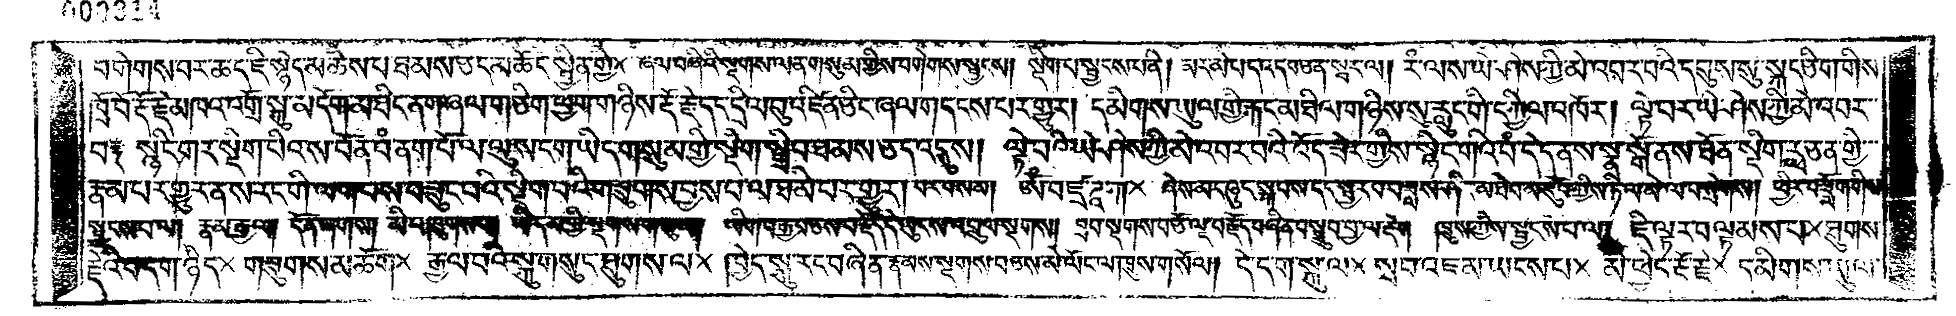བགེགས་བར་ཆད་ཇི་སྙེད་མཆིས་པ་ཐམས་ཅད་མཆོད་སྦྱིན་གྱི་྾་ཞལ་བཞིའི་སྔགས་ལན་གསུམ་གྱིས་བགེགས་སྦྱངས། སྡིག་པ་སྦྱངས་པ་ནི། མར་མེ་པད་འདབ་ཅན་སྦར་ལ།  རཾ་ལས་ཡེ་ཤེས་ཀྱི་མེ་འབར་བའི་དབུས་སུ་སྐད་ཅིག་གིས་
ཁྲོ་བོ་རྡོ་རྗེ་མཁའ་འགྲོ་སྐུ་མདོག་མཐིང་ནག་ཞལ་གཅིག་ཕྱག་གཉིས་རྡོ་རྗེ་དང་དྲིལ་བུ་འཛིན་ཅིང་ཞལ་གདངས་པར་གྱུར། དམིགས་ཡུལ་གྱི་རྐང་མཐིལ་གཉིས་སུ་རླུང་གི་དཀྱིལ་འཁོར། ལྟེ་བར་ཡེ་ཤེས་ཀྱི་མེ་འབར་
བ༑ སྙིང་གར་སྡིག་པའི་ས་བོན་བཾ་ནག་པོ་ལ་ལུས་ངག་ཡིད་གསུམ་གྱི་སྡིག་སྒྲིབ་ཐམས་ཅད་འདུས། ལྟེ་བའི་ཡེ་ཤེས་ཀྱི་མེ་འབར་བའི་འོད་ཟེར་གྱིས་སྙིང་གའི་བཾ་དེད་ནས་སྣ་སྒོ་ནས་ཐོན་སྡིག་པ་རྭ་ཅན་གྱི་
རྣམ་པར་གྱུར་ནས་རང་གི་ལག་པས་བཟུང་བའི་སྡིག་པའི་གཟུགས་བྱས་པ་ལ་ཐིམ་པར་གྱུར། བར་བསམ།  ཨོཾ་བཛྲ་ཌཱ་ཀ་྾་ཞེས་མང་ཉུང་སྐབས་དང་སྦྱར་བ་བཟླས་ཤིང་མཐེབ་མཛུབ་ཀྱིས་ཏིལ་མེ་ལ་བསྲེགས། ཕྱིར་བཟློག་གིས་
སྦྱངས་པ་ལ། རྣམ་རྒྱལ། དོན་ཞགས། མི་འཁྲུགས་པ། ཡི་དམ་གྱི་སྔགས་གསུམ། ཡིག་བརྒྱ་བཅས་བརྗོད་དེ་ཡུངས་འབྲུལ་སྔགས། བྲབ་སྔགས་བཅོ་ལྔ་བརྗོད་བཞིན་བསྒྲུབ་བྱ་ལ་རྡེག་ཁྲུས་ཀྱིས་སྦྱངས་པ་ལ། ཇི་ལྟར་བལྟམས་པ་྾་ཐུགས་
རྗེའི་བདག་ཉིད་྾་གཟུགས་མཆོག་྾་རྒྱལ་བའི་སྐུ་གསུང་ཐུགས་ལ་྾་ཁྱེད་སྐུ་རང་བཞིན་རྣམས་སྔགས་བཅས་མེ་ལོང་ལ་ཁྲུས་གསོལ།  དེ་དག་སྐུ་ལ་྾་སྲབ་འཇམ་ཡངས་པ་྾་མི་ཕྱེད་རྡོ་རྗེ་྾་དམིགས་ཡུལ་